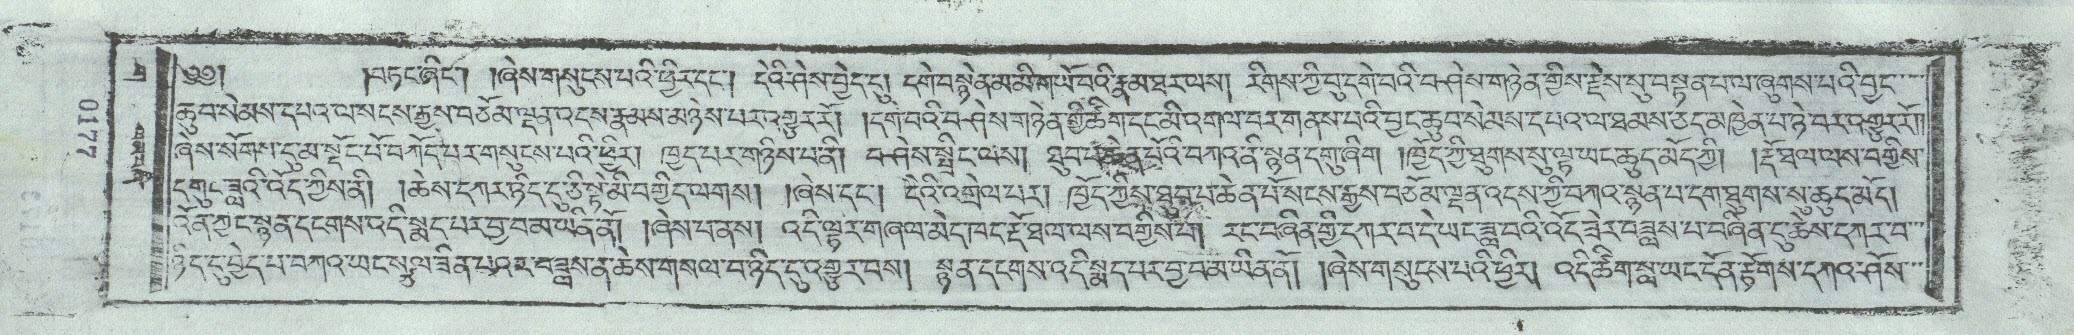༄༅། །བཏང་ཞིང་། །ཞེས་གསུངས་པའི་ཕྱིར་དང་། དེའི་ཤེས་བྱེད་དུ། དགེ་བསྙེན་མ་མི་གཡོ་བའི་རྣམ་ཐར་ལས། རིགས་ཀྱི་བུ་དགེ་བའི་བཤེས་གཉེན་གྱིས་རྗེས་སུ་བསྟན་པ་ལ་ཞུགས་པའི་བྱང་
ཆུབ་སེམས་དཔའ་ལ་སངས་རྒྱས་བཅོམ་ལྡན་འདས་རྣམས་མཉེས་པར་འགྱུར་རོ། །དགེ་བའི་བཤེས་གཉེན་གྱི་ཚིག་དང་མི་འགལ་བར་གནས་པའི་བྱང་ཆུབ་སེམས་དཔའ་ལ་ཐམས་ཅད་མཁྱེན་པ་ཉེ་བར་འགྱུར་རོ།།
ཞེས་སོགས་དུ་མ་སྡོང་པོ་བཀོད་པར་གསུངས་པའི་ཕྱིར། ཁྱད་པར་གཉིས་པ་ནི། བཤེས་སྤྲིང་ལས། ཐུབ་པ་ཆེན་པོའི་བཀའ་ནི་སྙན་དགུ་ཞིག །ཁྱོད་ཀྱི་ཐུགས་སུ་ལྟ་ཡང་ཆུད་མོད་ཀྱི། །རྡོ་ཐལ་ལས་བགྱིས་
དགུང་ཟླའི་འོད་ཀྱིས་ནི། །ཆེས་དཀར་ཉིད་དུ་ཅི་སྟེ་མི་བགྱིད་ལགས། །ཞེས་དང་། དེའི་འགྲེལ་པར། ཁྱོད་ཀྱིས་ཐུབ་པ་ཆེན་པོ་སངས་རྒྱས་བཅོམ་ལྡན་འདས་ཀྱི་བཀའ་སྙན་པ་དག་ཐུགས་སུ་ཆུད་མོད།
འོན་ཀྱང་སྙན་དངགས་འདི་སྨད་པར་བྱ་བ་མ་ཡིན་ནོ། །ཞེས་པ་ནས། འདི་ལྟར་གཞལ་མེད་ཁང་རྡོ་ཐལ་ལས་བགྱིས་པ། རང་བཞིན་གྱི་དཀར་བ་དེ་ཡང་ཟླ་བའི་འོད་ཟེར་བཟླས་པ་བཞིན་དུ་ཆེས་དཀར་བ་
ཉིད་དུ་བྱེད་པ་བཀའ་ཡང་སྩལ་ཟིན་པའང་བཟླས་ན་ཆེས་གསལ་བ་ཉིད་དུ་འགྱུར་བས། སྙན་དངགས་འདི་སྨད་པར་བྱ་བ་མ་ཡིན་ནོ། །ཞེས་གསུངས་པའི་ཕྱིར། འདི་ཚིག་སླ་ཡང་དོན་རྟོགས་དཀའ་ཤོས་